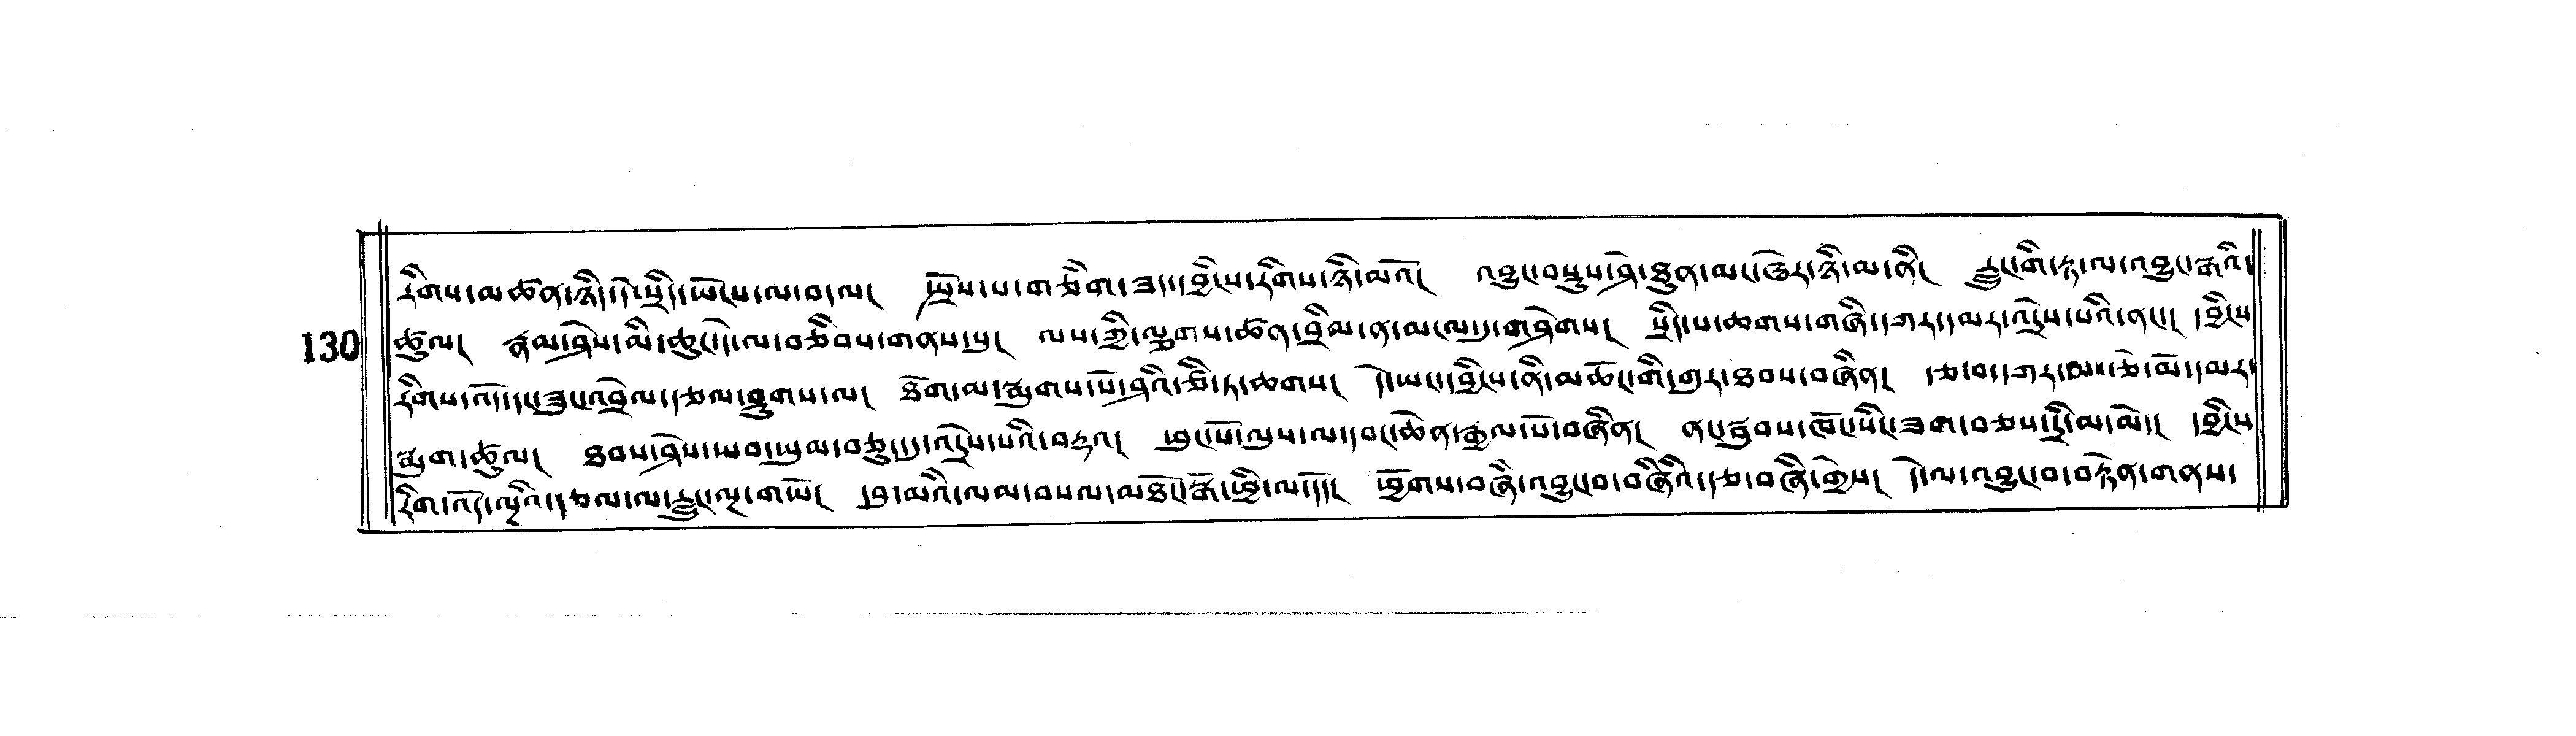རིག་མཚན་ཉིད་དེ་སྲིད་ཡོངས་ལ་བདལ། སྤྲོས་པ་གཅིག་ཟད་དབྱིངས་རིག་ཉི་མའོ། འབྱུང་བསྡུས་ཤེ་ཐུན་མང་ཝེར་ཉི་མ་ནི། རླུང་གི་རྟ་ལ་འབྱུང་༼༽སྒའི་
ཚུལ། རྣམ་ཤེས་མི་ཆུང་དེ་ལ་བཅིབས་ནས་སུ། ལས་ཀྱི་ལྕག་ཚན་བྲིམས་ན་མངལ་དུ་གཤེགས། སྲིད་པ་ཆགས་གཞི་དཀར་དམར་འདྲེས་པའི་ནང་། དབྱིངས་
རིག་འོད་དང་ཟུང་འབྲེལ་རྩལ་ཤུགས་ལ། ཐོག་མ་སྨུག་པོ་ཤ་ཡི་ཙི་རྟ་ཆགས། དེ་ཡང་དབྱིབས་ནི་མཆོང་གི་གུར་ཐབས་བཞིན། རྩ་བ་དཀར་ལ་རྩེ་མོ་དམར་
སྨུག་ཚུལ། ཐབས་ཤེས་ཡབ་ཡུམ་བཅུད་དུ་འདྲེས་པའི་བརྡ། ཕུང་པོ་ལུས་ལ་དབང་ཆེན་རྒྱལ་པོ་བཞིན། ནང་སྦུབས་ཁོང་སེང་ཟག་བཅས་དྲི་མ་མེད། དབྱིངས་
རིག་འོད་ལྔའི་རྩལ་ལ་རླུང་ལྔ་གཡོ། དབུ་མའི་ལམ་གསལ་མཐོང་སྒོ་ཕྱི་ལ་དོད། ཕྱོགས་བཞི་འབྱུང་བ་བཞི་ཡི་རྩ་བཞི་གྱེས། དེ་ལ་འབྱུང་བ་རྟེན་གནས་